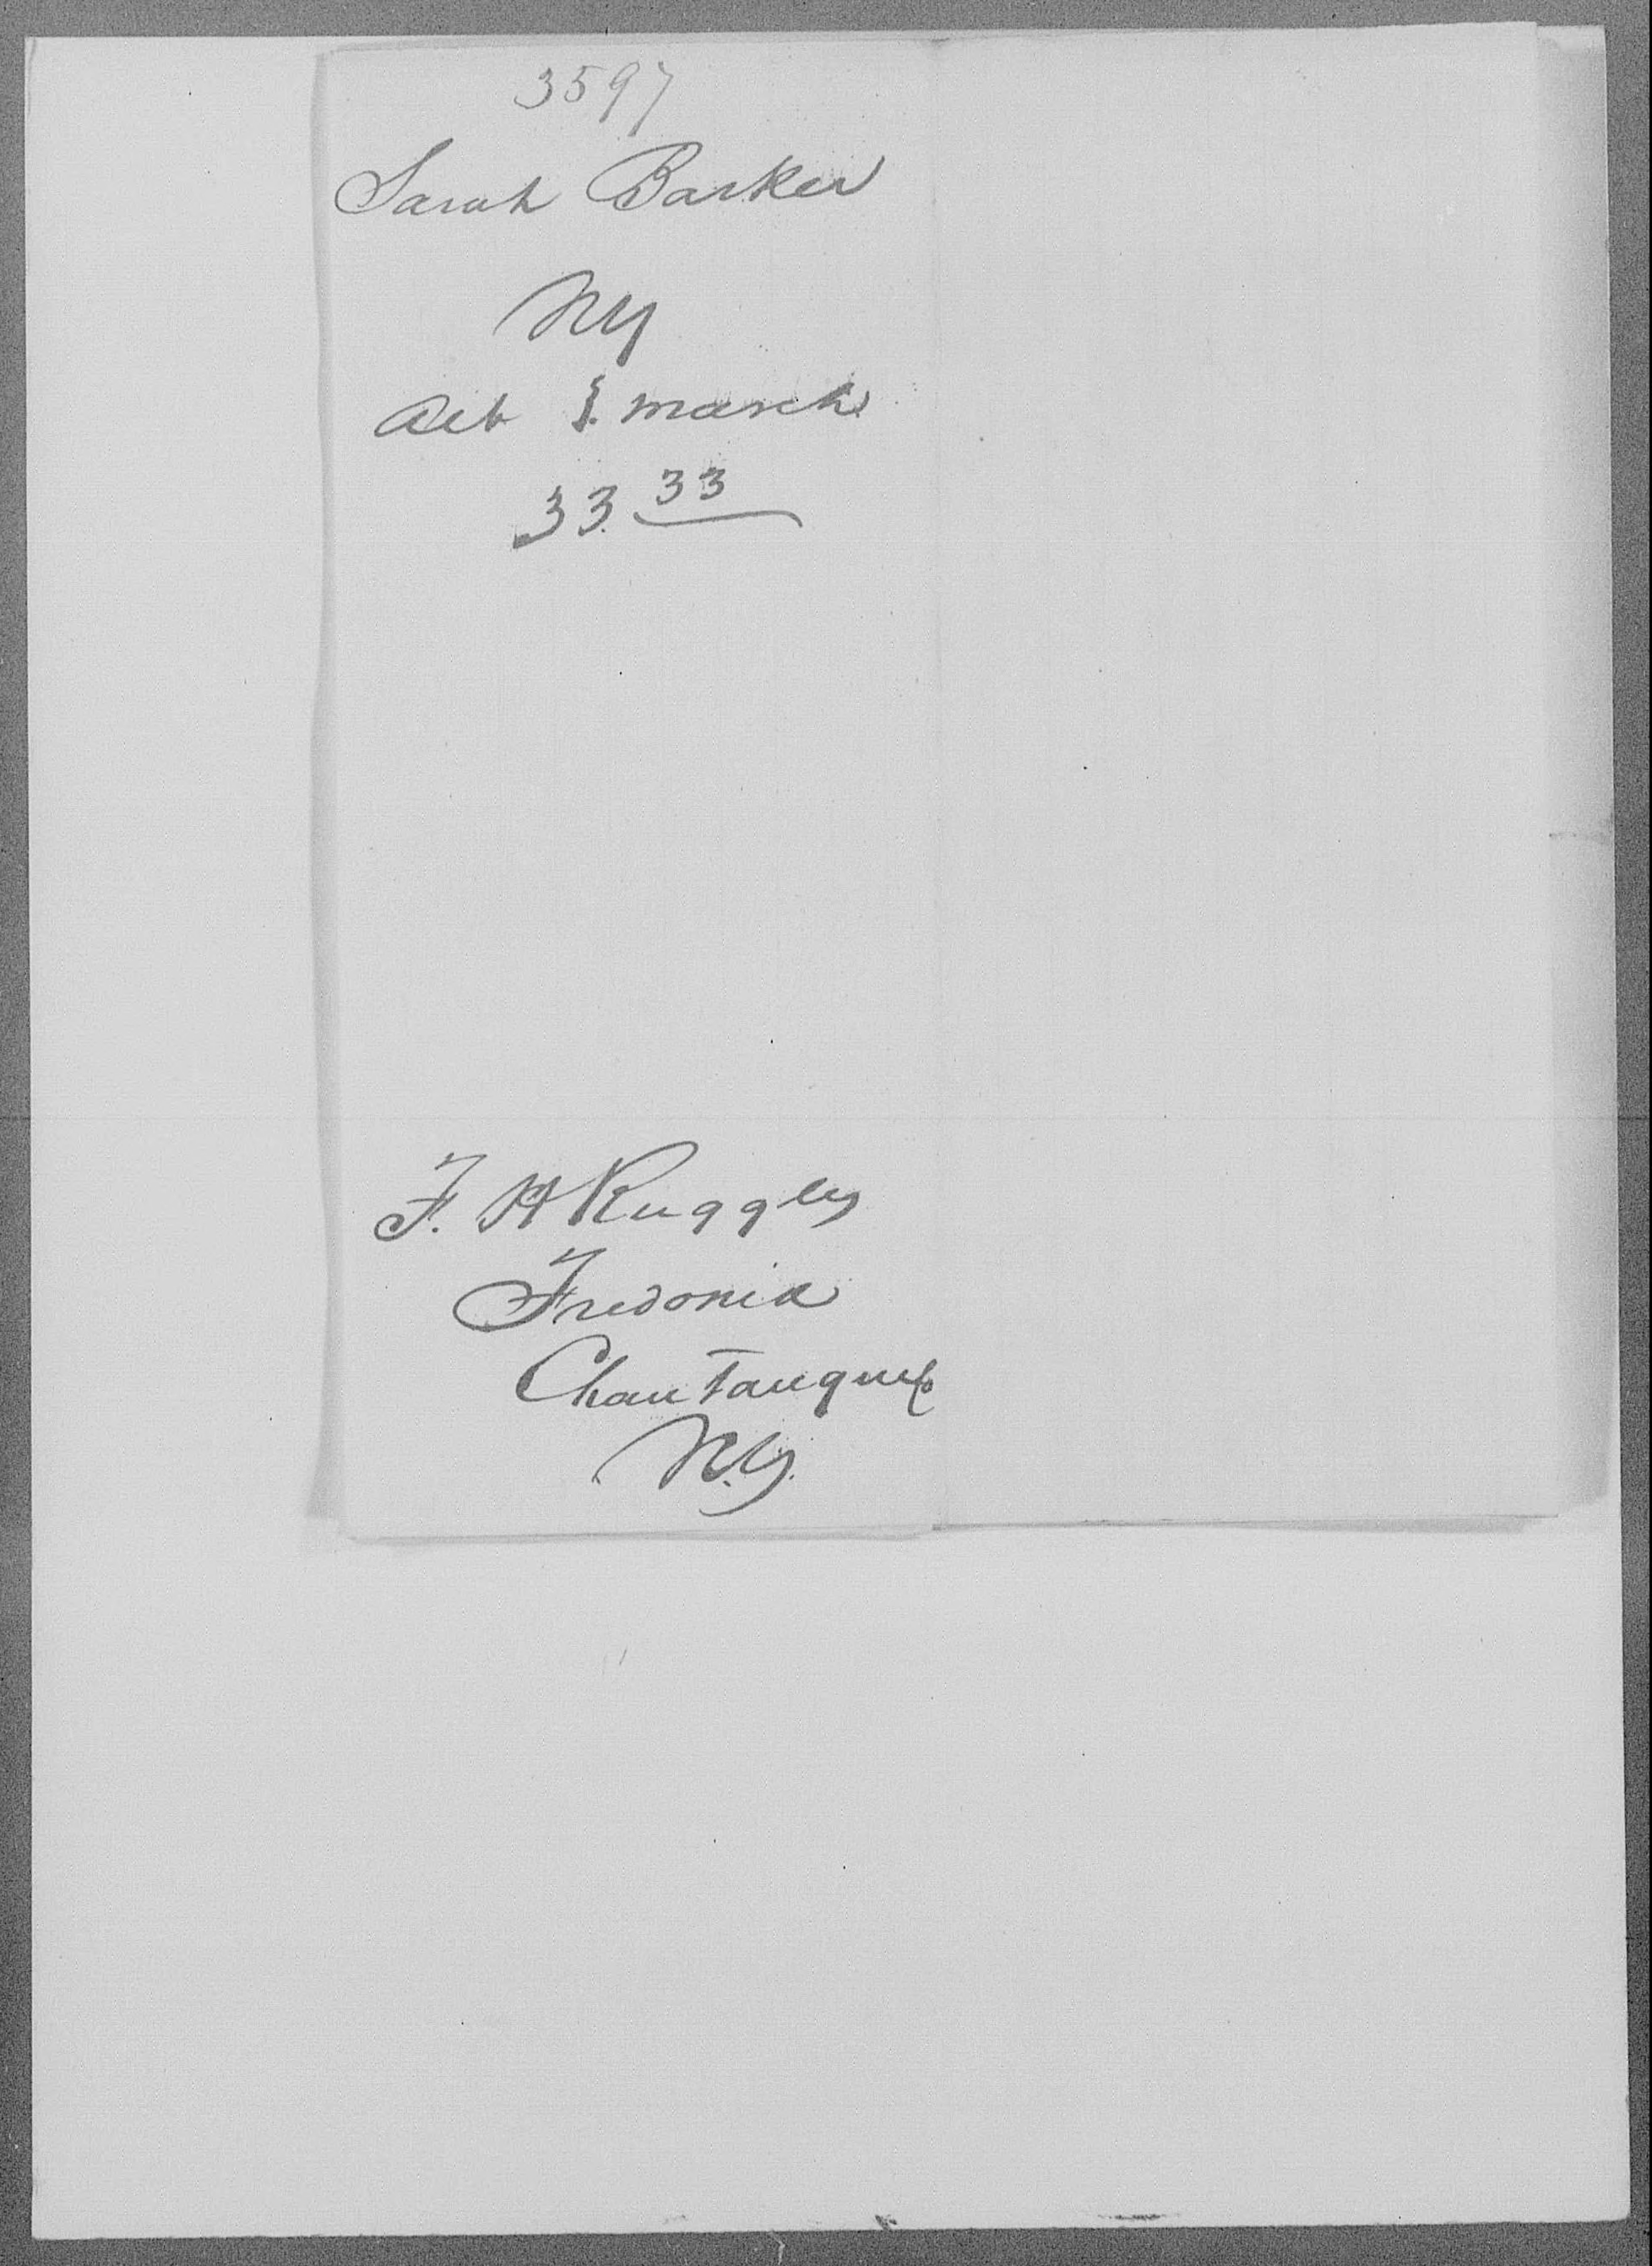3597 Sarah Barker NY act 1 March 33/33 F. H. Ruggles Fredonia Chautauqua N.Y.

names: F H Ruggles, Sarah Barker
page: 50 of 52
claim: widow's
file: W. 18,565, Hezekiah Barker, Continental R.I.